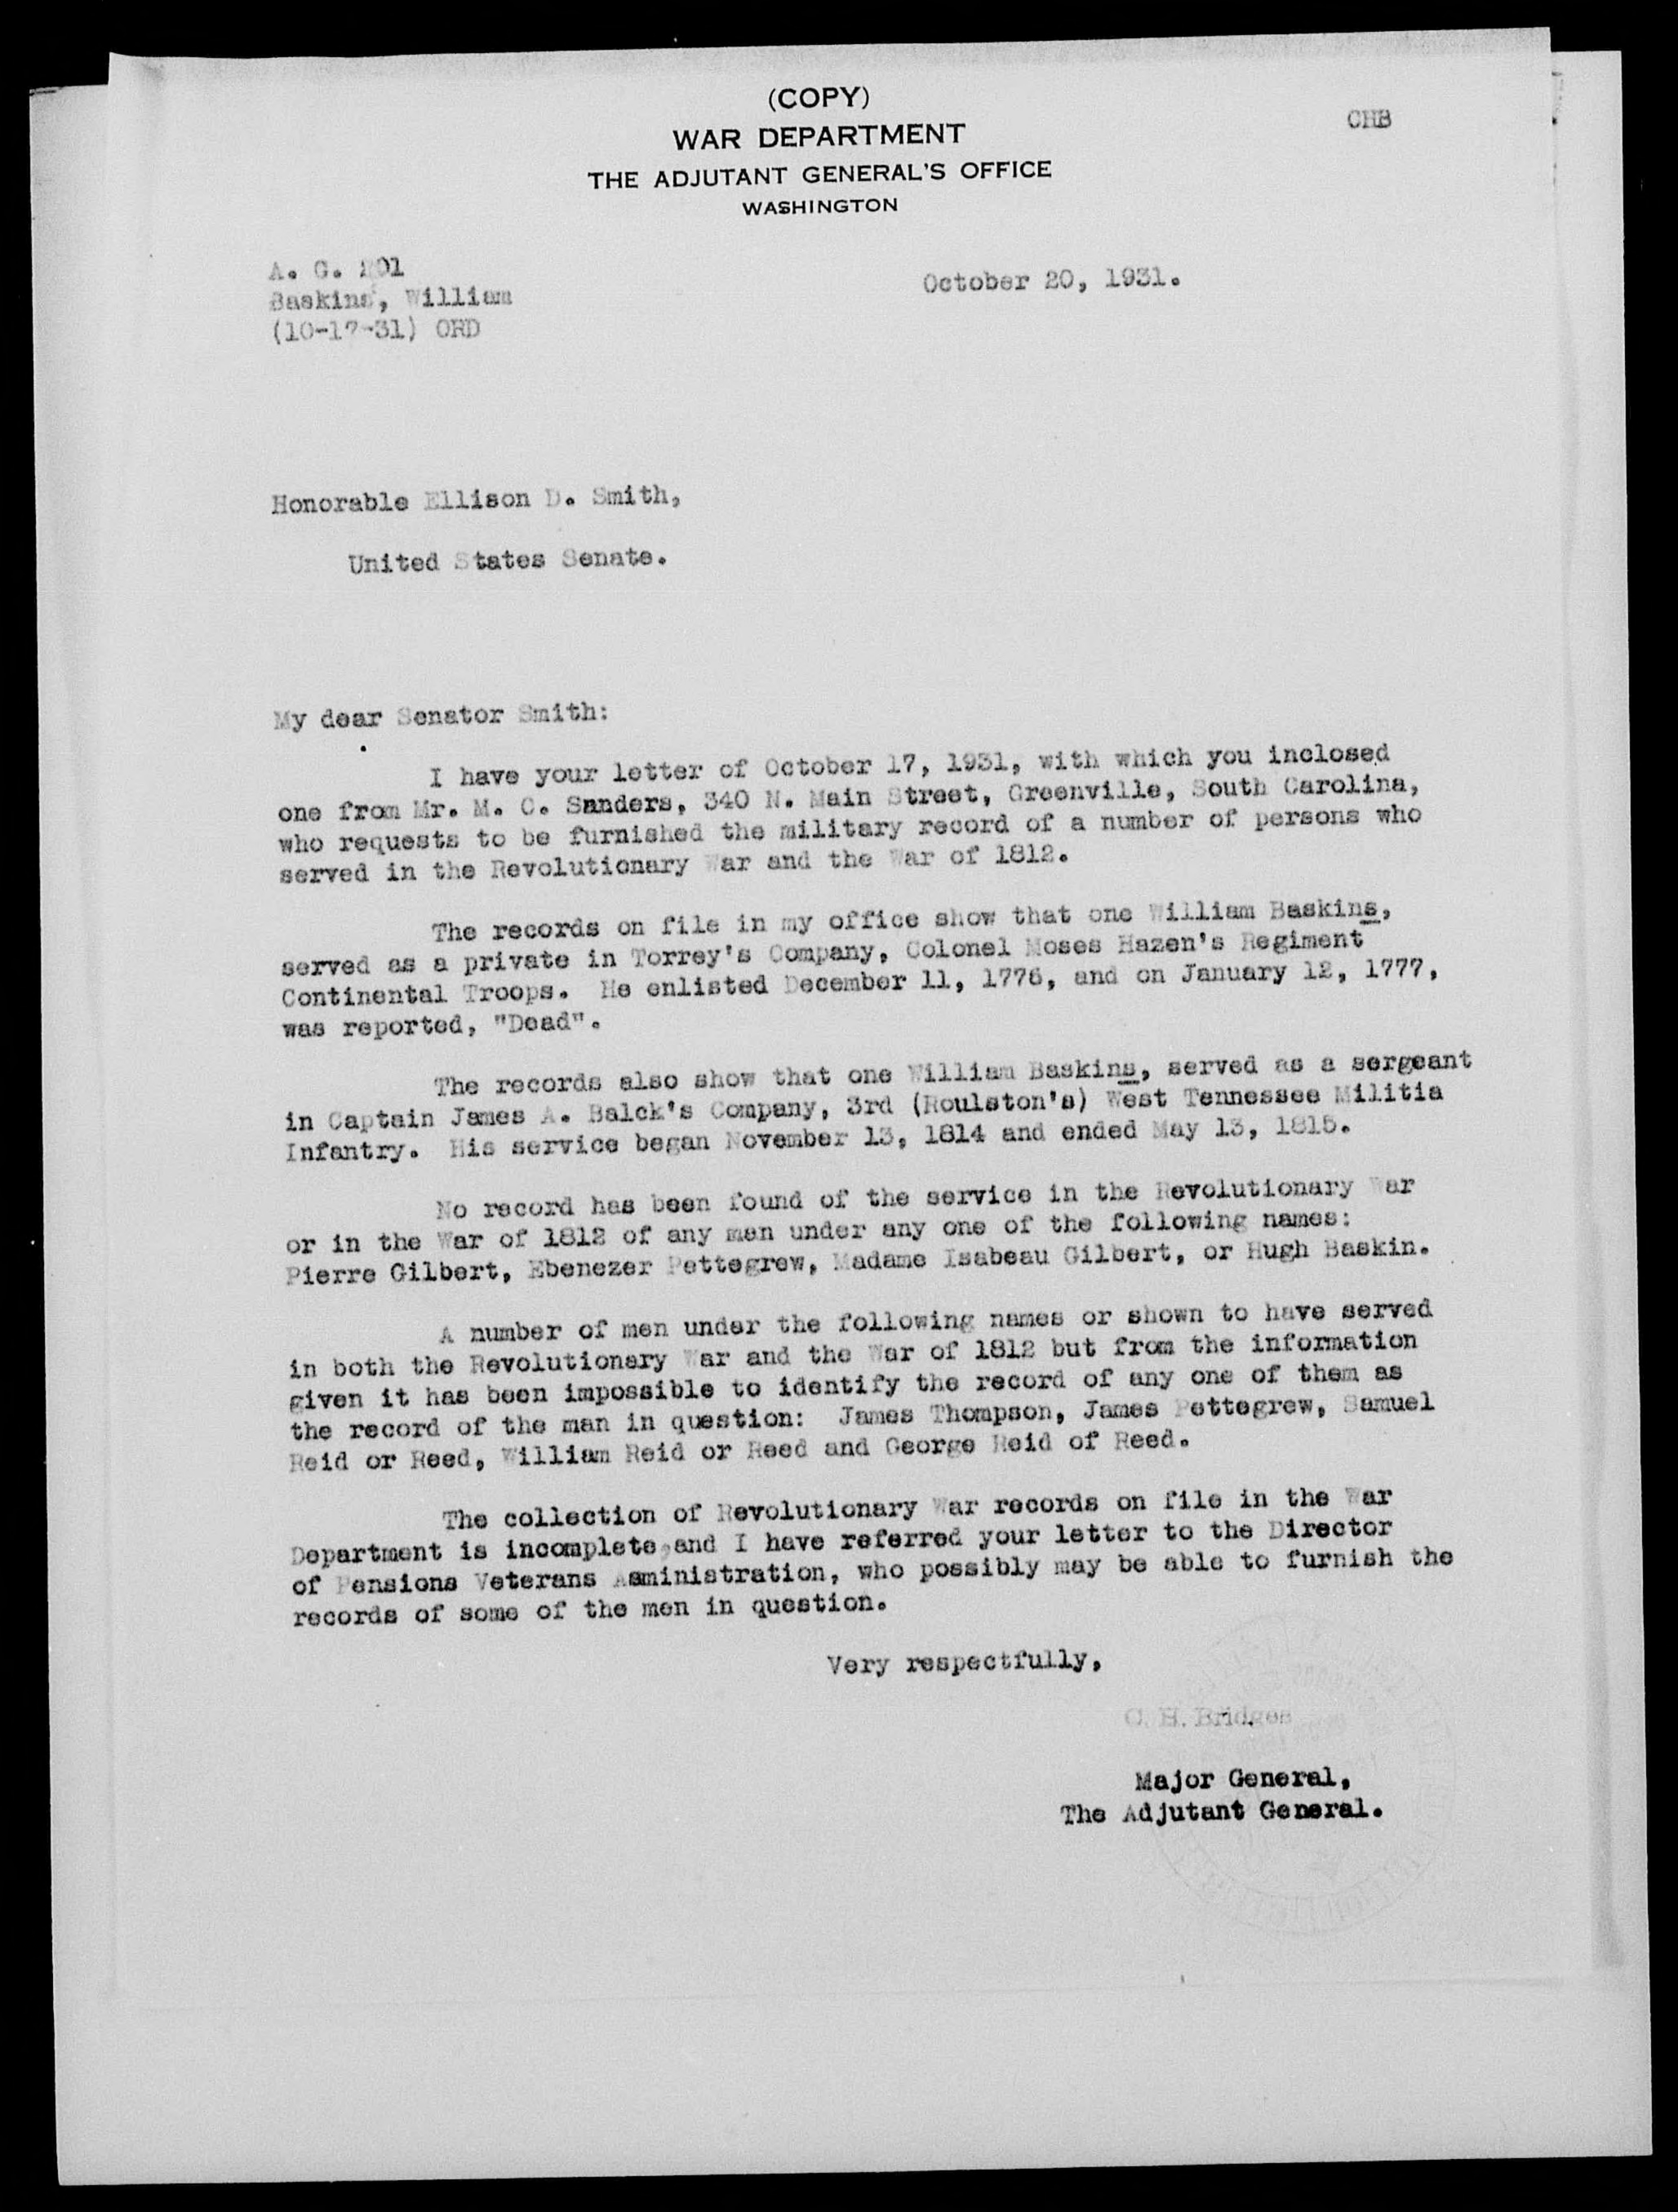(COPY)
WAR DEPARTMEN [Space] CHB
THE ADJUTANT GENERAL'S OFFICE
WASHINGTON

A. G. [Illegible]
Baskins, William
(10-17-31) ORD [Space] October 20, 1931.

Honorable Ellison D. Smith,
United States Senate.

My dear Senator Smith:

I have your letter of October 17, 1931, with which you inclosed one from Mr. M. C. Sandera, 340 N. Main Street, Greenville, South Carolina, who requests to be furnished the military record of a number of persons who served in the Revolutionary War and the War of 1812.

The records on file in my office show that one William Baskins, served as a private in Torrey's Company, Colonel Noses Hazen's Regiment Continental Troops. He enlisted December 11, 1776, and on January 12, 1777, was reported, "Dead".

The records also show that one William Baskins, served as a sergeant in Captain James A. Balck's Company, 3rd (Roulston's) West Tennessee Militia Infantry. His service began November 13, 1814 and ended May 13, 1815.

No record has been found of the service in the Revolutionary War or in the War of 1812 of any men under any one of the following names: Pierre Gilbert, Ebenezer Pettegrew, Madame Issabeau Gilbert, or Hugh Haskin.

A number of men under the following names or shown to have served in both the Revolutionary War and the War of 1812 but from the information given it has been impossible to identify the record of any one of them as the record of the man in question: James Thompson, James Pettegrew, Samuel Reid or Reed, William Reid or Reed and George Reid of Reed.

The collection of Revolutionary War records on file in the War Department is incomplete and I have referred your letter to the Director of Pensions Veterans Asministration, who possibly may be able to furnish the records of some of the men in question.

Very respectfully

Major General,
The Adjutant General.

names: Ebenezer Pettegrew; Samuel Reid; Pierre Gilbert; George Reid; James Thompson; M C Sanders; Hugh Baskin; William Baskins; Isabeau Gilbert; William Reid; C H Bridges; James Pettegrew; Samuel Reed; George Reed; Ellison D Smith; William Reed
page: 76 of 92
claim: widow's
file: W. 5522, for James Pettigrew, South Carolina